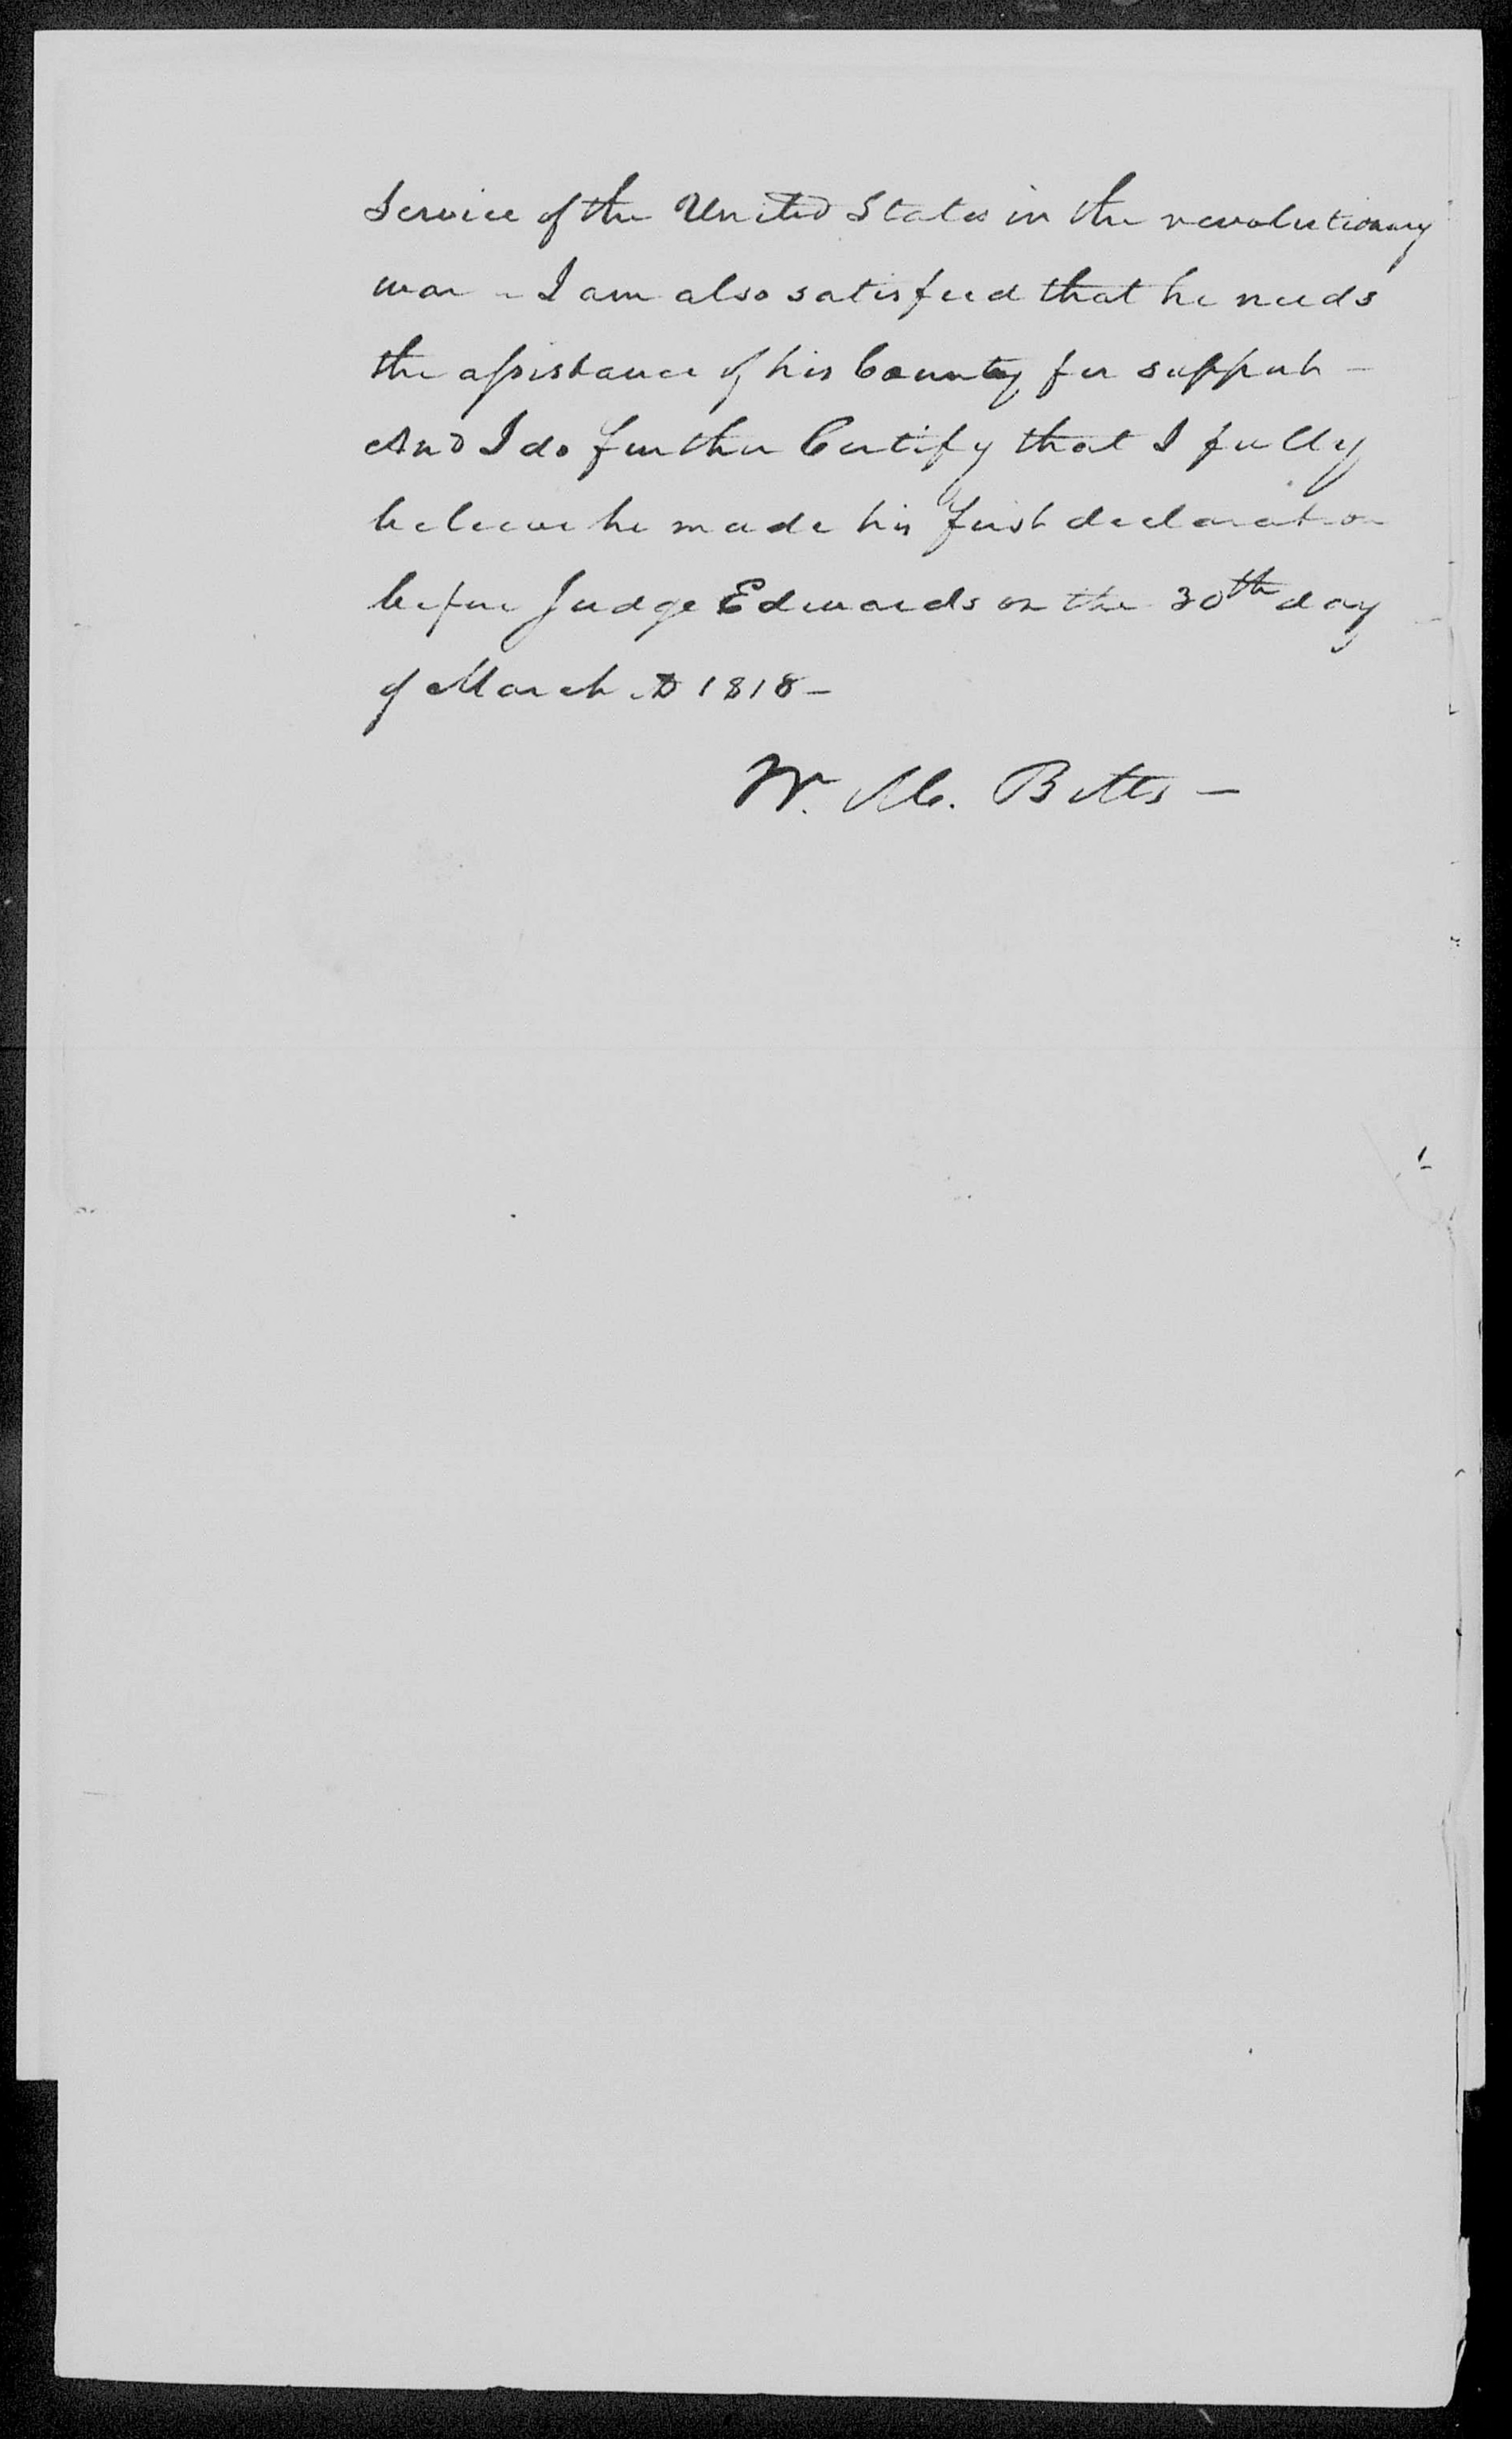service of the United States in the revolutionary war. I am also satisfied that he needs the assistance of his Country for support. And I do further certify that I fully believe he made his first declaration before Judge Edwards on the 30th day of March AD 1818.
W. M. Betts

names: Judge Edwards, W M Betts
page: 48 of 61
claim: widow's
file: W. 29,929, Hezekiah Betts, Conn.